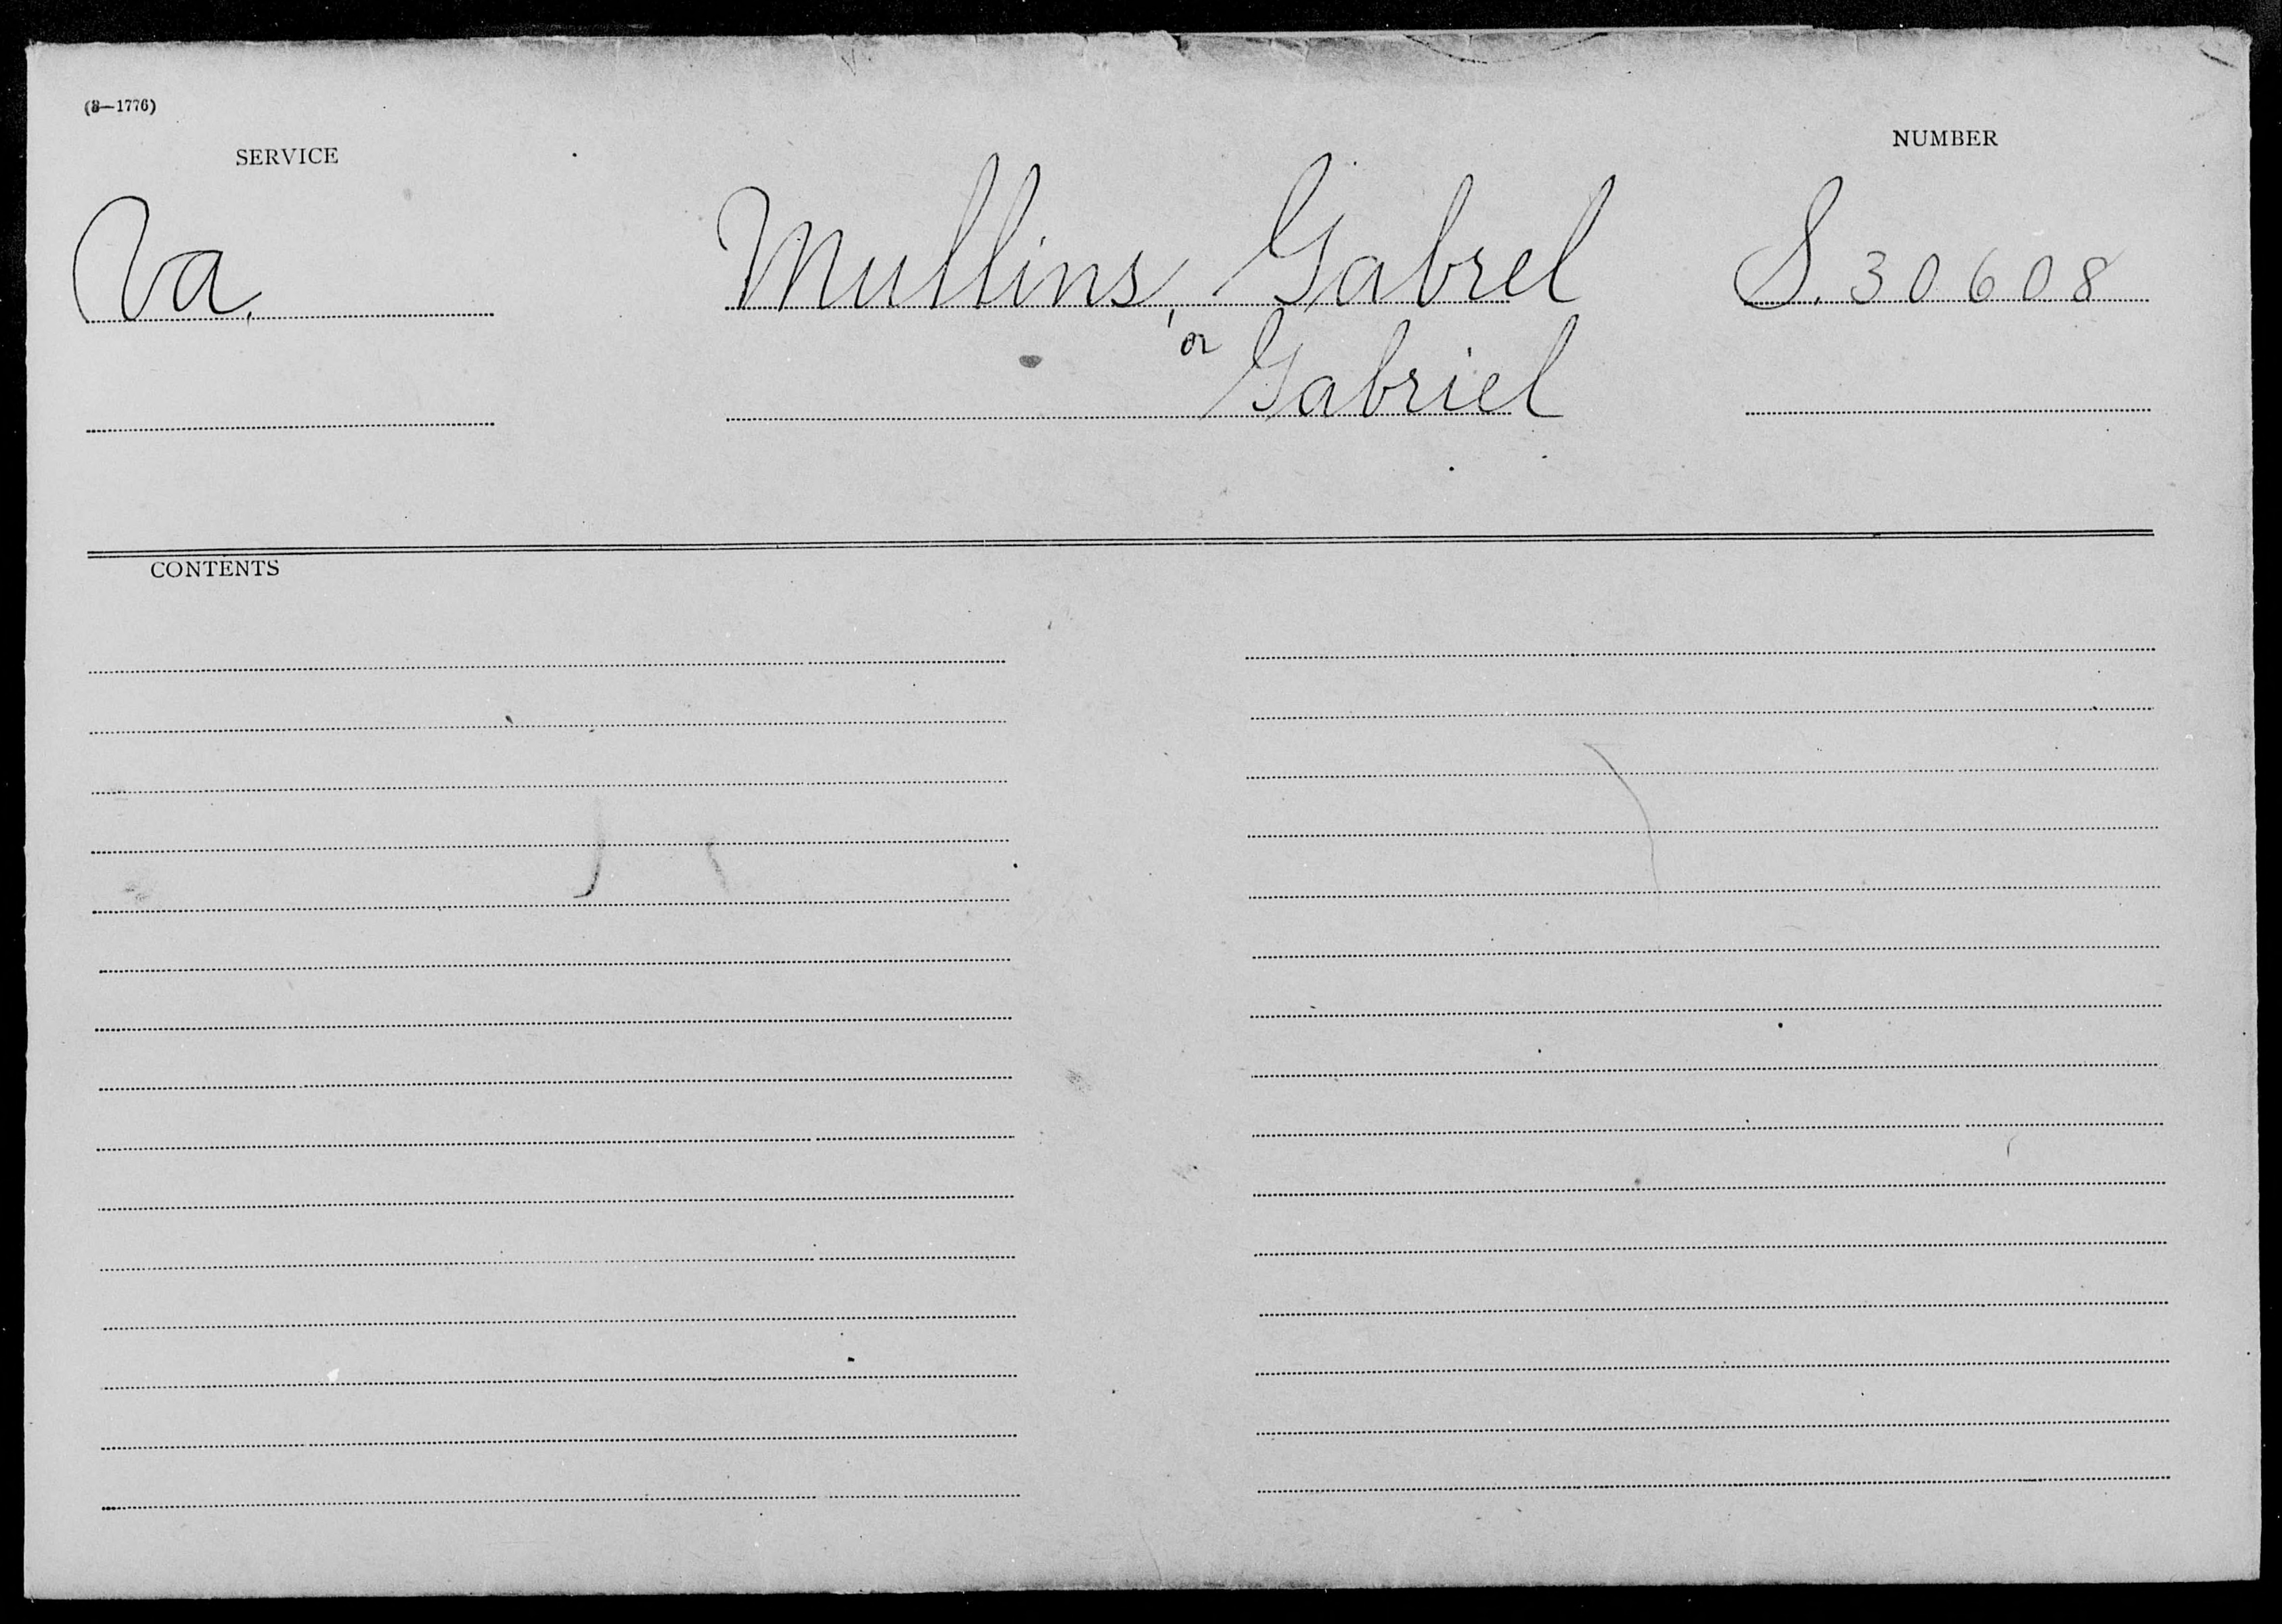(3 - 1776)
SERVICE
Va.          Mullins, Gabrel  NUMBER S. 30608
              or Gabriel

---
CONTENTS
---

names: Gabriel Mullins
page: 1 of 34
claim: survivor's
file: S. 30608, for Gabrel Mullins, Virginia